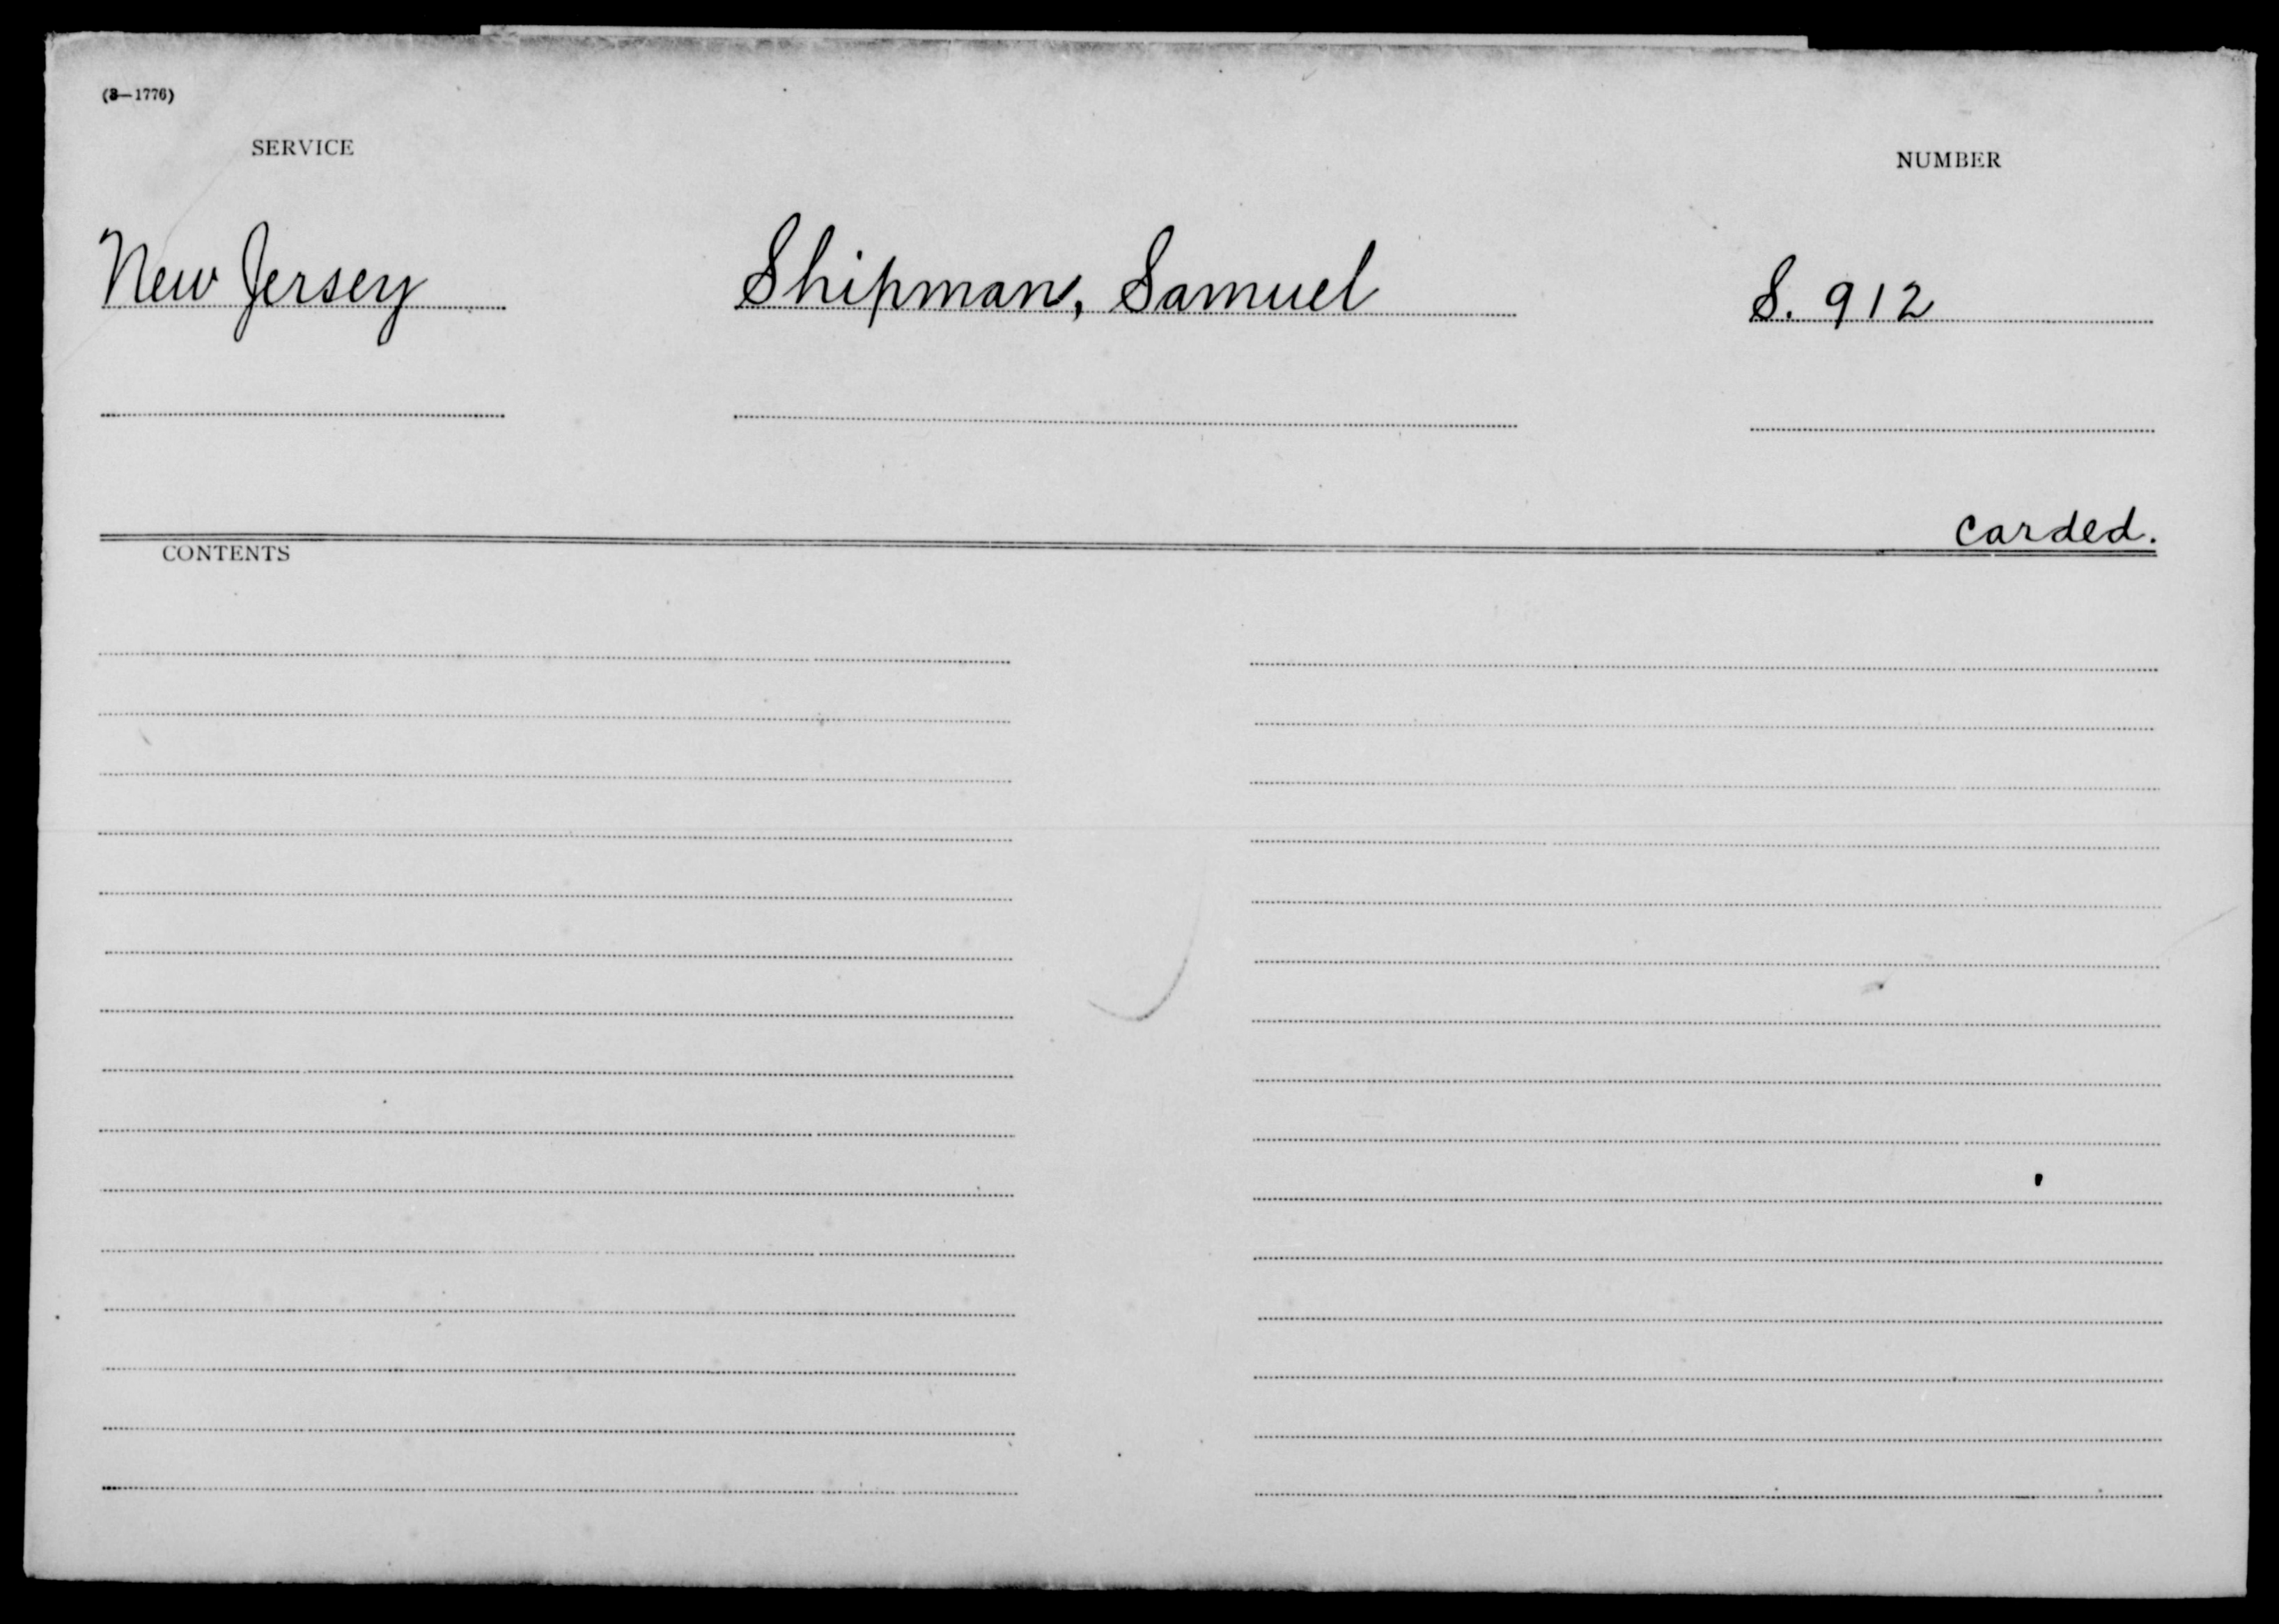Service:  New Jersey
Shipman, Samuel
S. 912
carded.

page: 1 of 44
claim: survivor's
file: S. 912, for Samuel Shipman, New Jersey